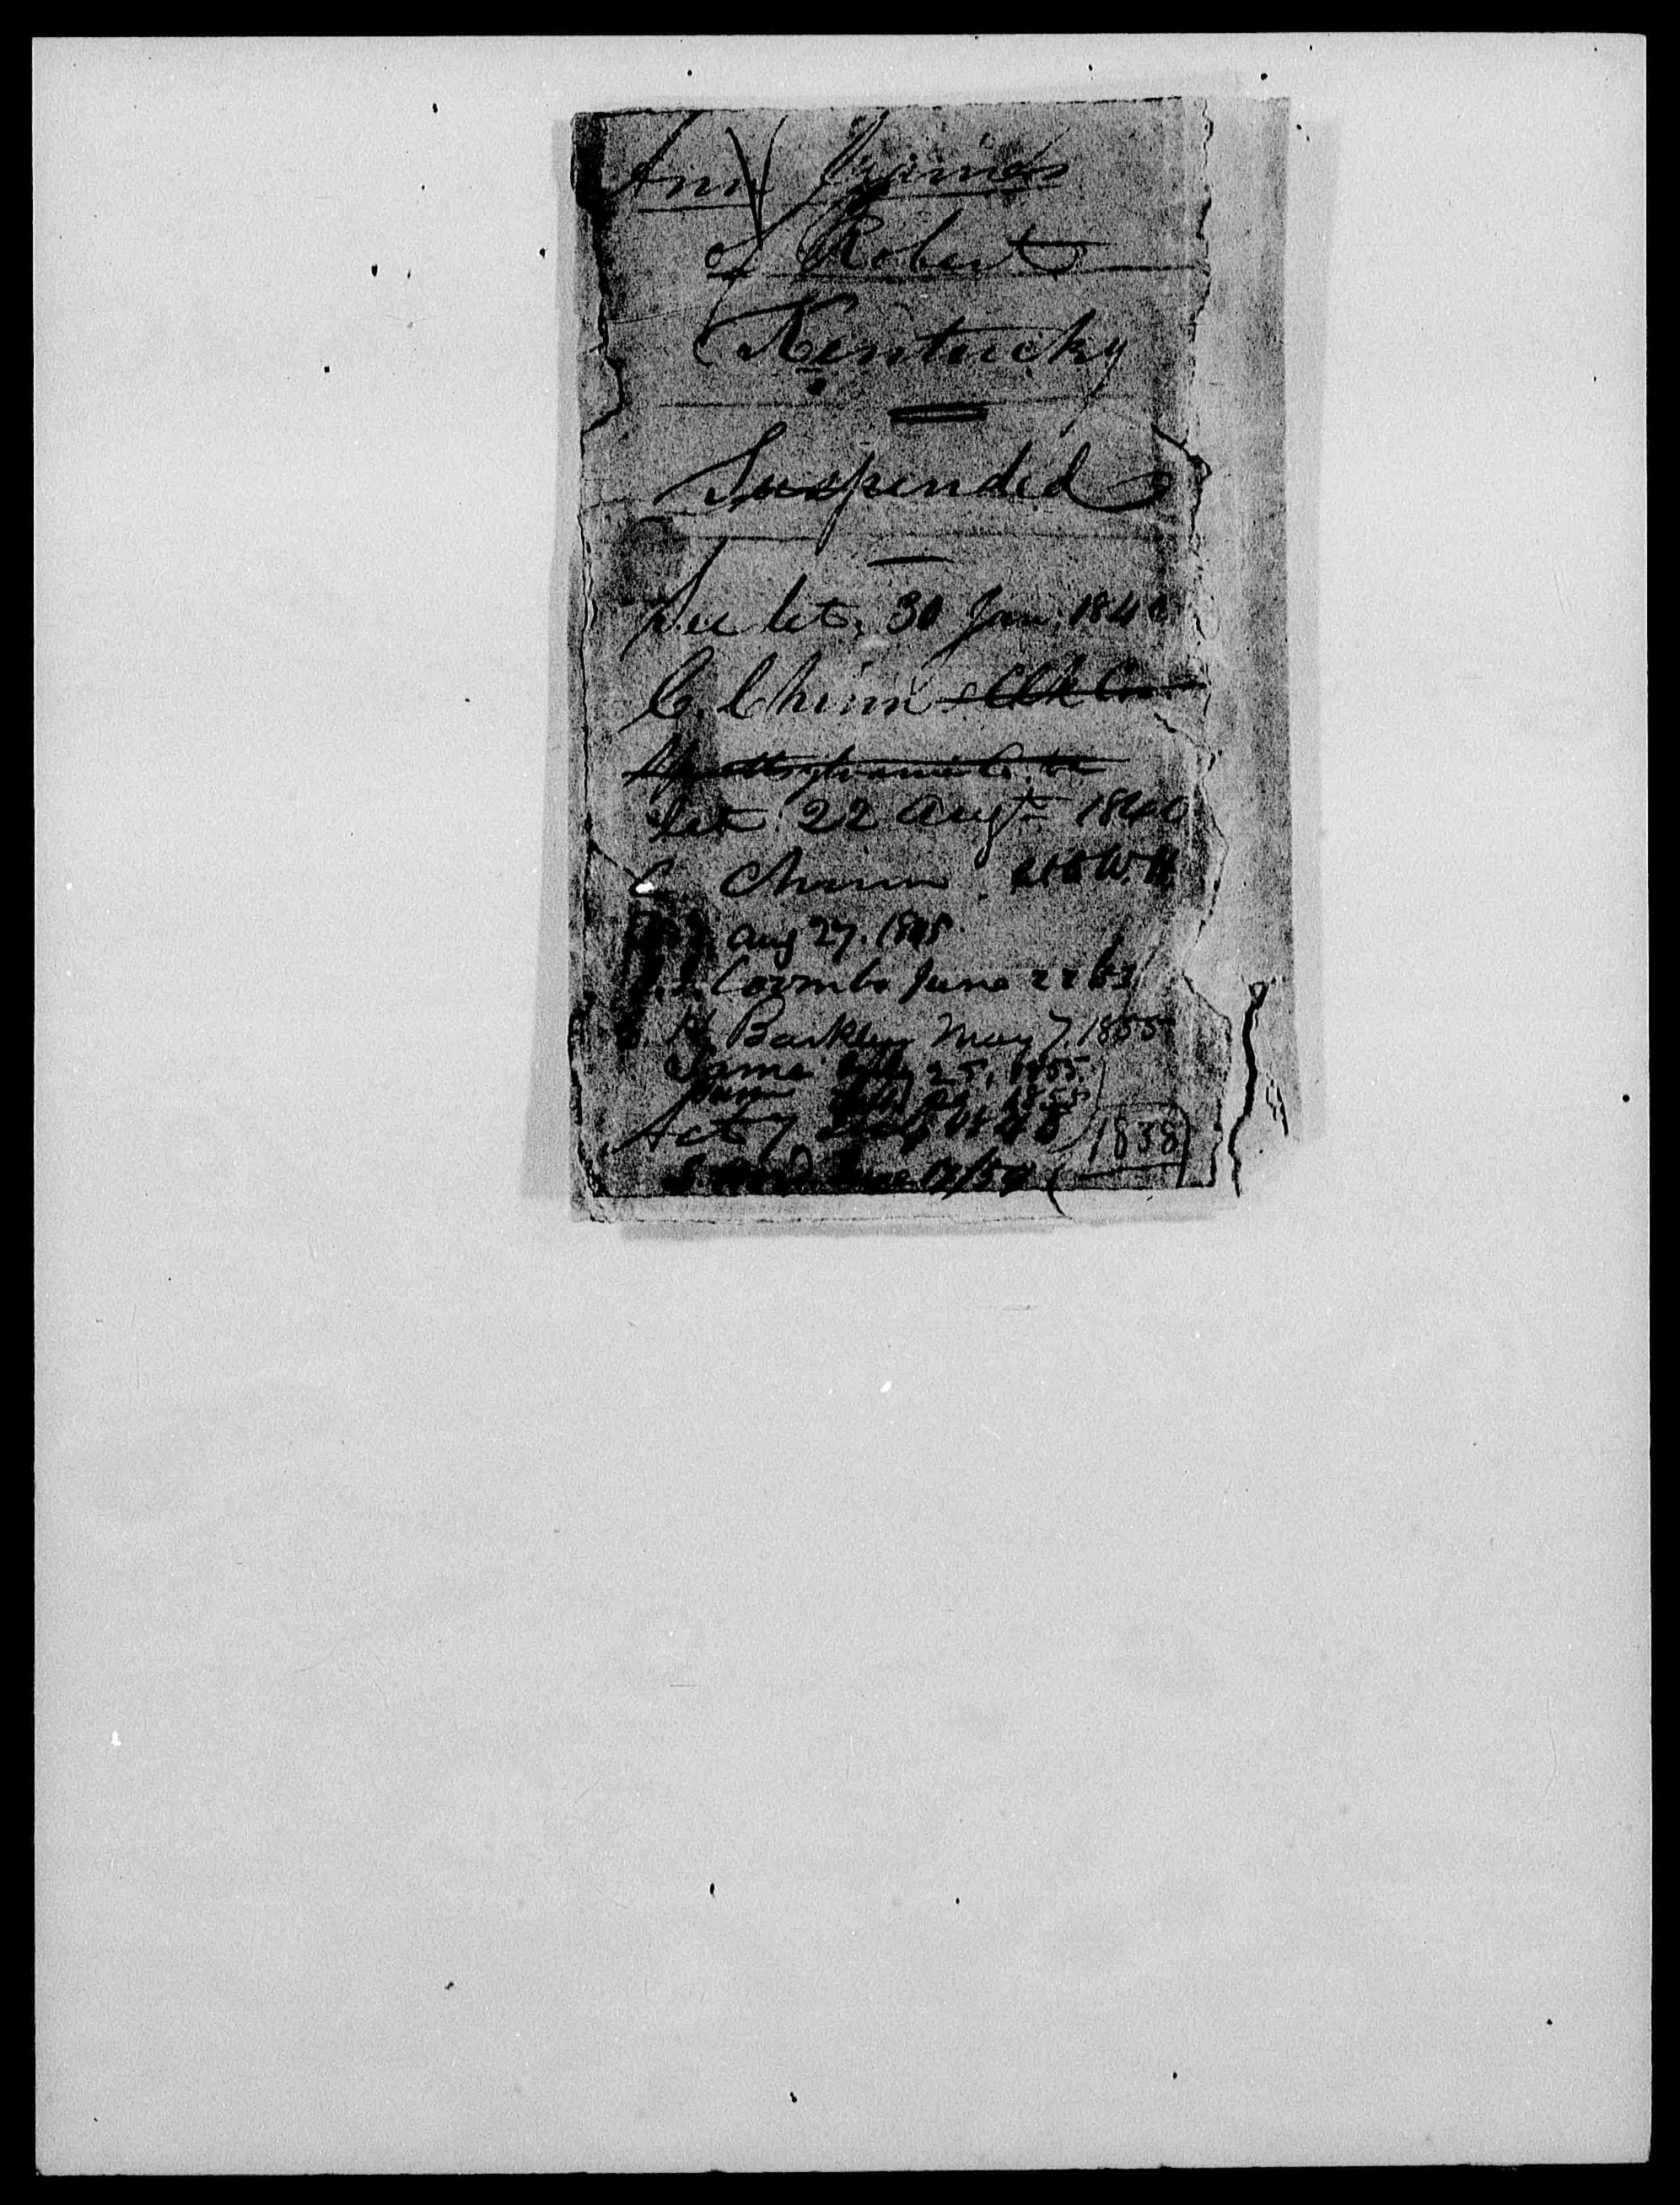Ann Gaines
of Robert
Kentucky
__________
Suspended
__________
See lt. 30 Jan. 184[illegible]
C. Chinn [crossed out] Clk Court
Spottsylvania Co. Va [/crossed out]
Let: 22 Aug't 184[illegible]
C. Chinn [illegible]
Aug 17, 1845
[illegible] June 27 83
H. Barkly May 7, 1855
Same July 25, 1855
Same [illegible] 1855
Act of July 1848
1838
[illegible] 17/54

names: C Chinn, Ann Gaines, James, Robert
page: 61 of 79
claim: rejected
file: R. 3863, Robert Gaines, Va.